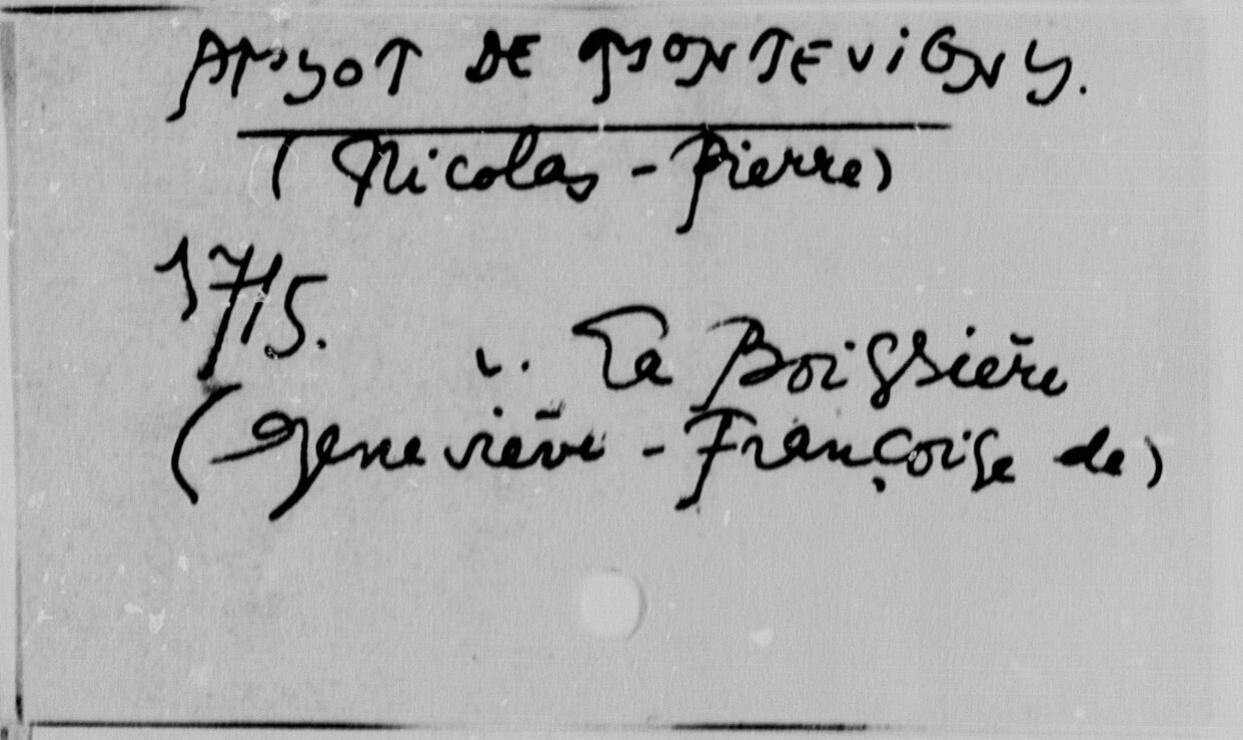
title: AMYOT DE MONTEVIGNY (Nicolas Pierre)
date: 1715
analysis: Voir La Boissière (Geneviève Françoise de)
